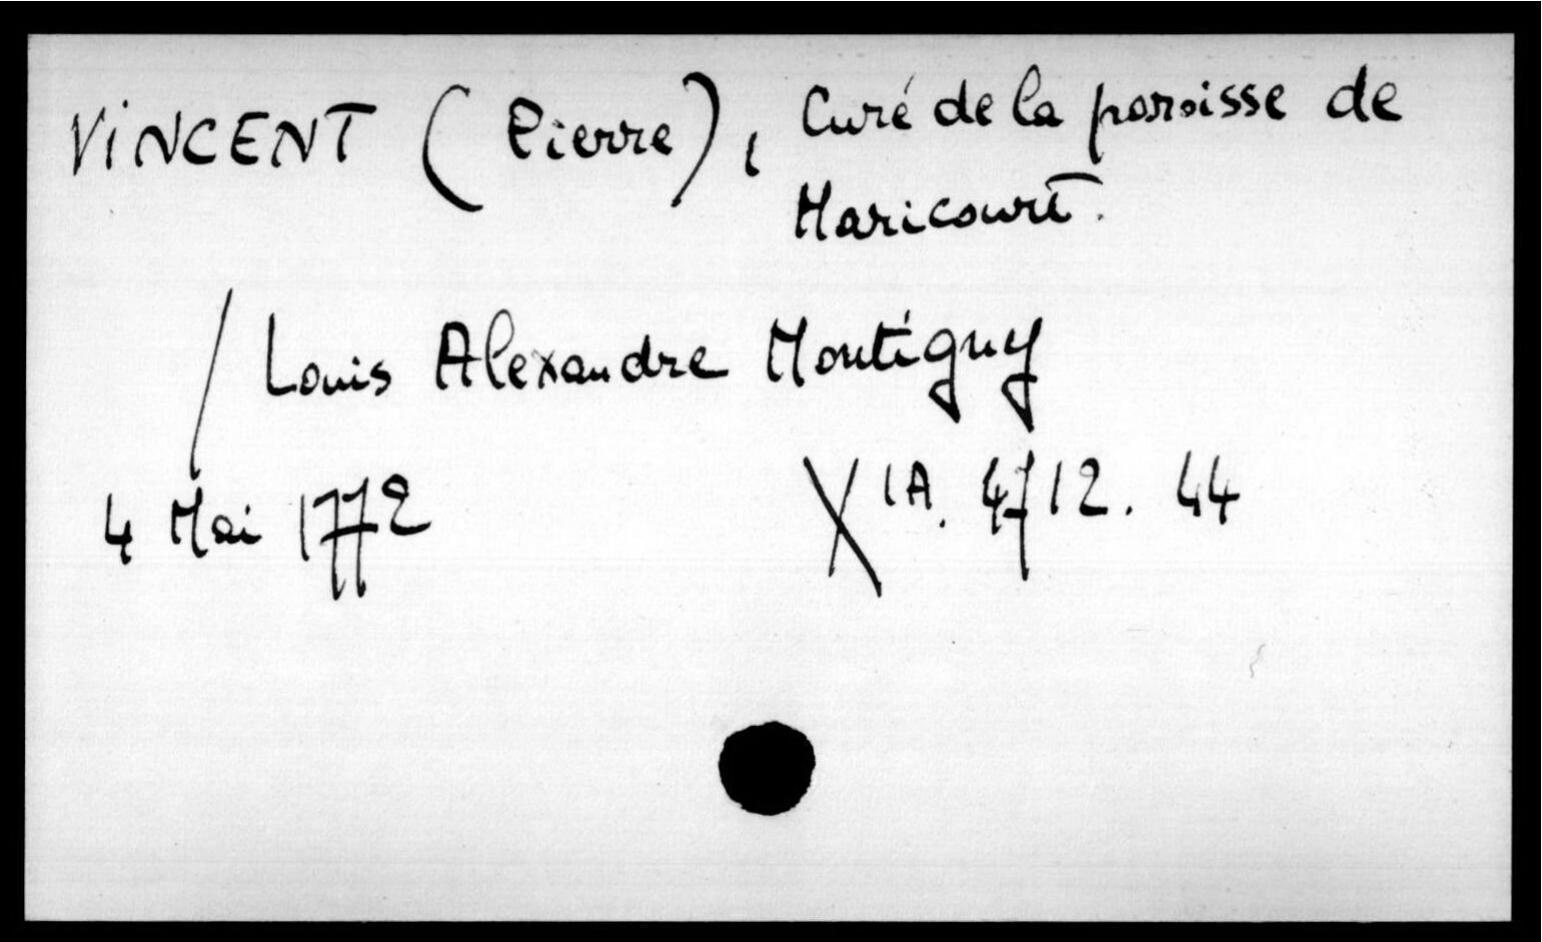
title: VINCENT (Pierre), curé de la paroisse de Maricourt
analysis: Contre Louis Alexandre Montigny
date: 4 mai 1772
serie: X1A
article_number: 4712
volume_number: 44
